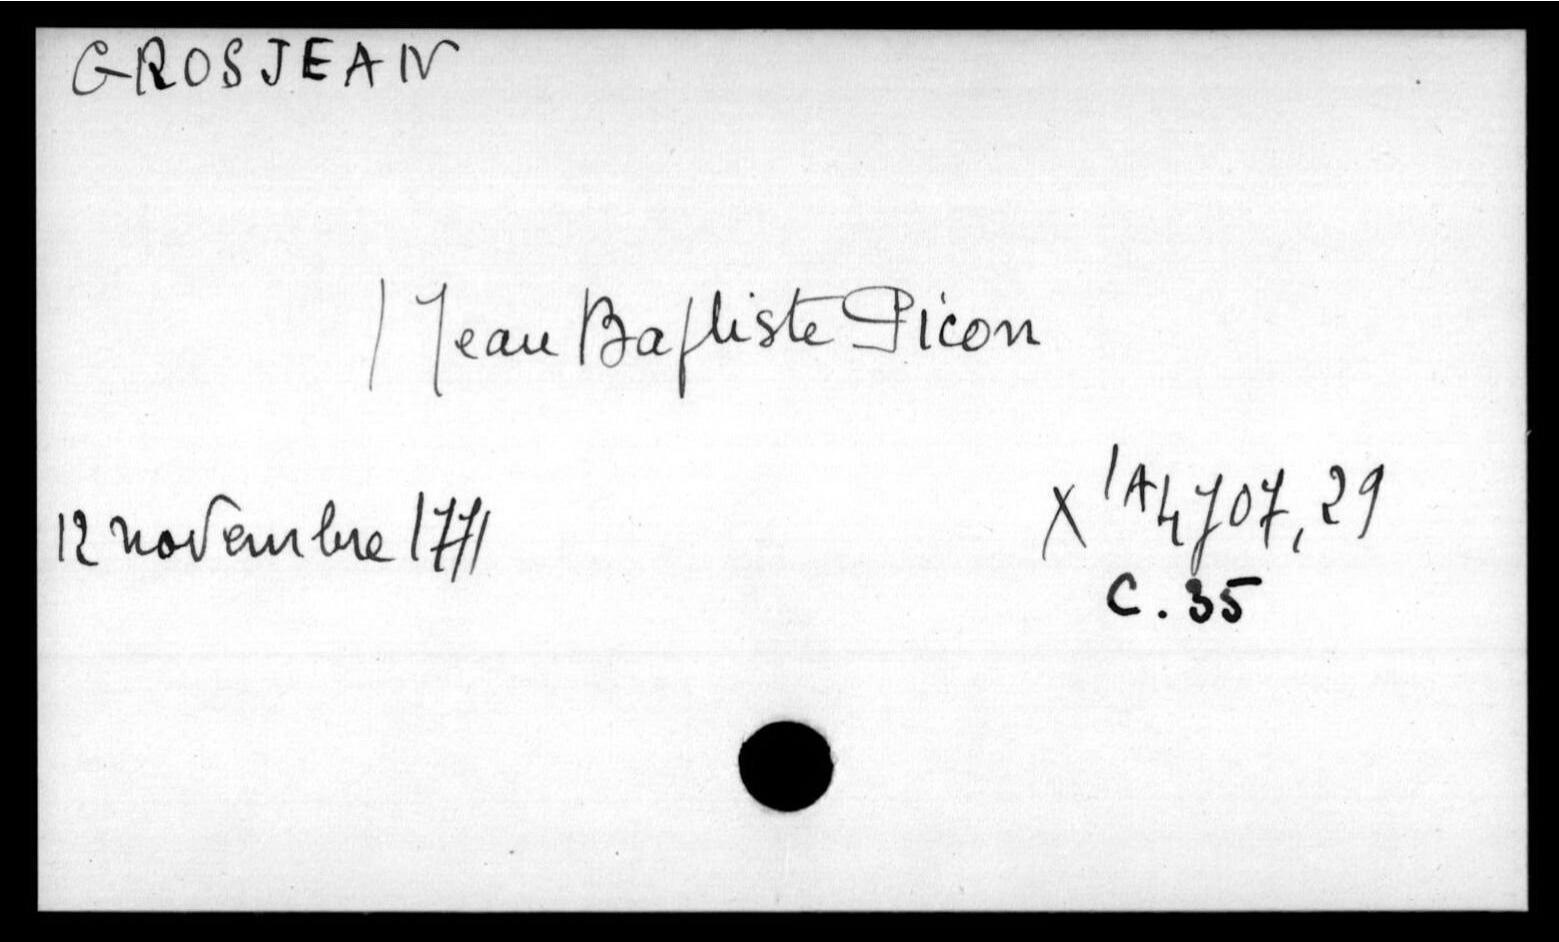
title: GROSJEAN
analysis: Contre Jean-Baptiste Picon
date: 12 novembre 1771
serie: X1A
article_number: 4707
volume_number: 29
